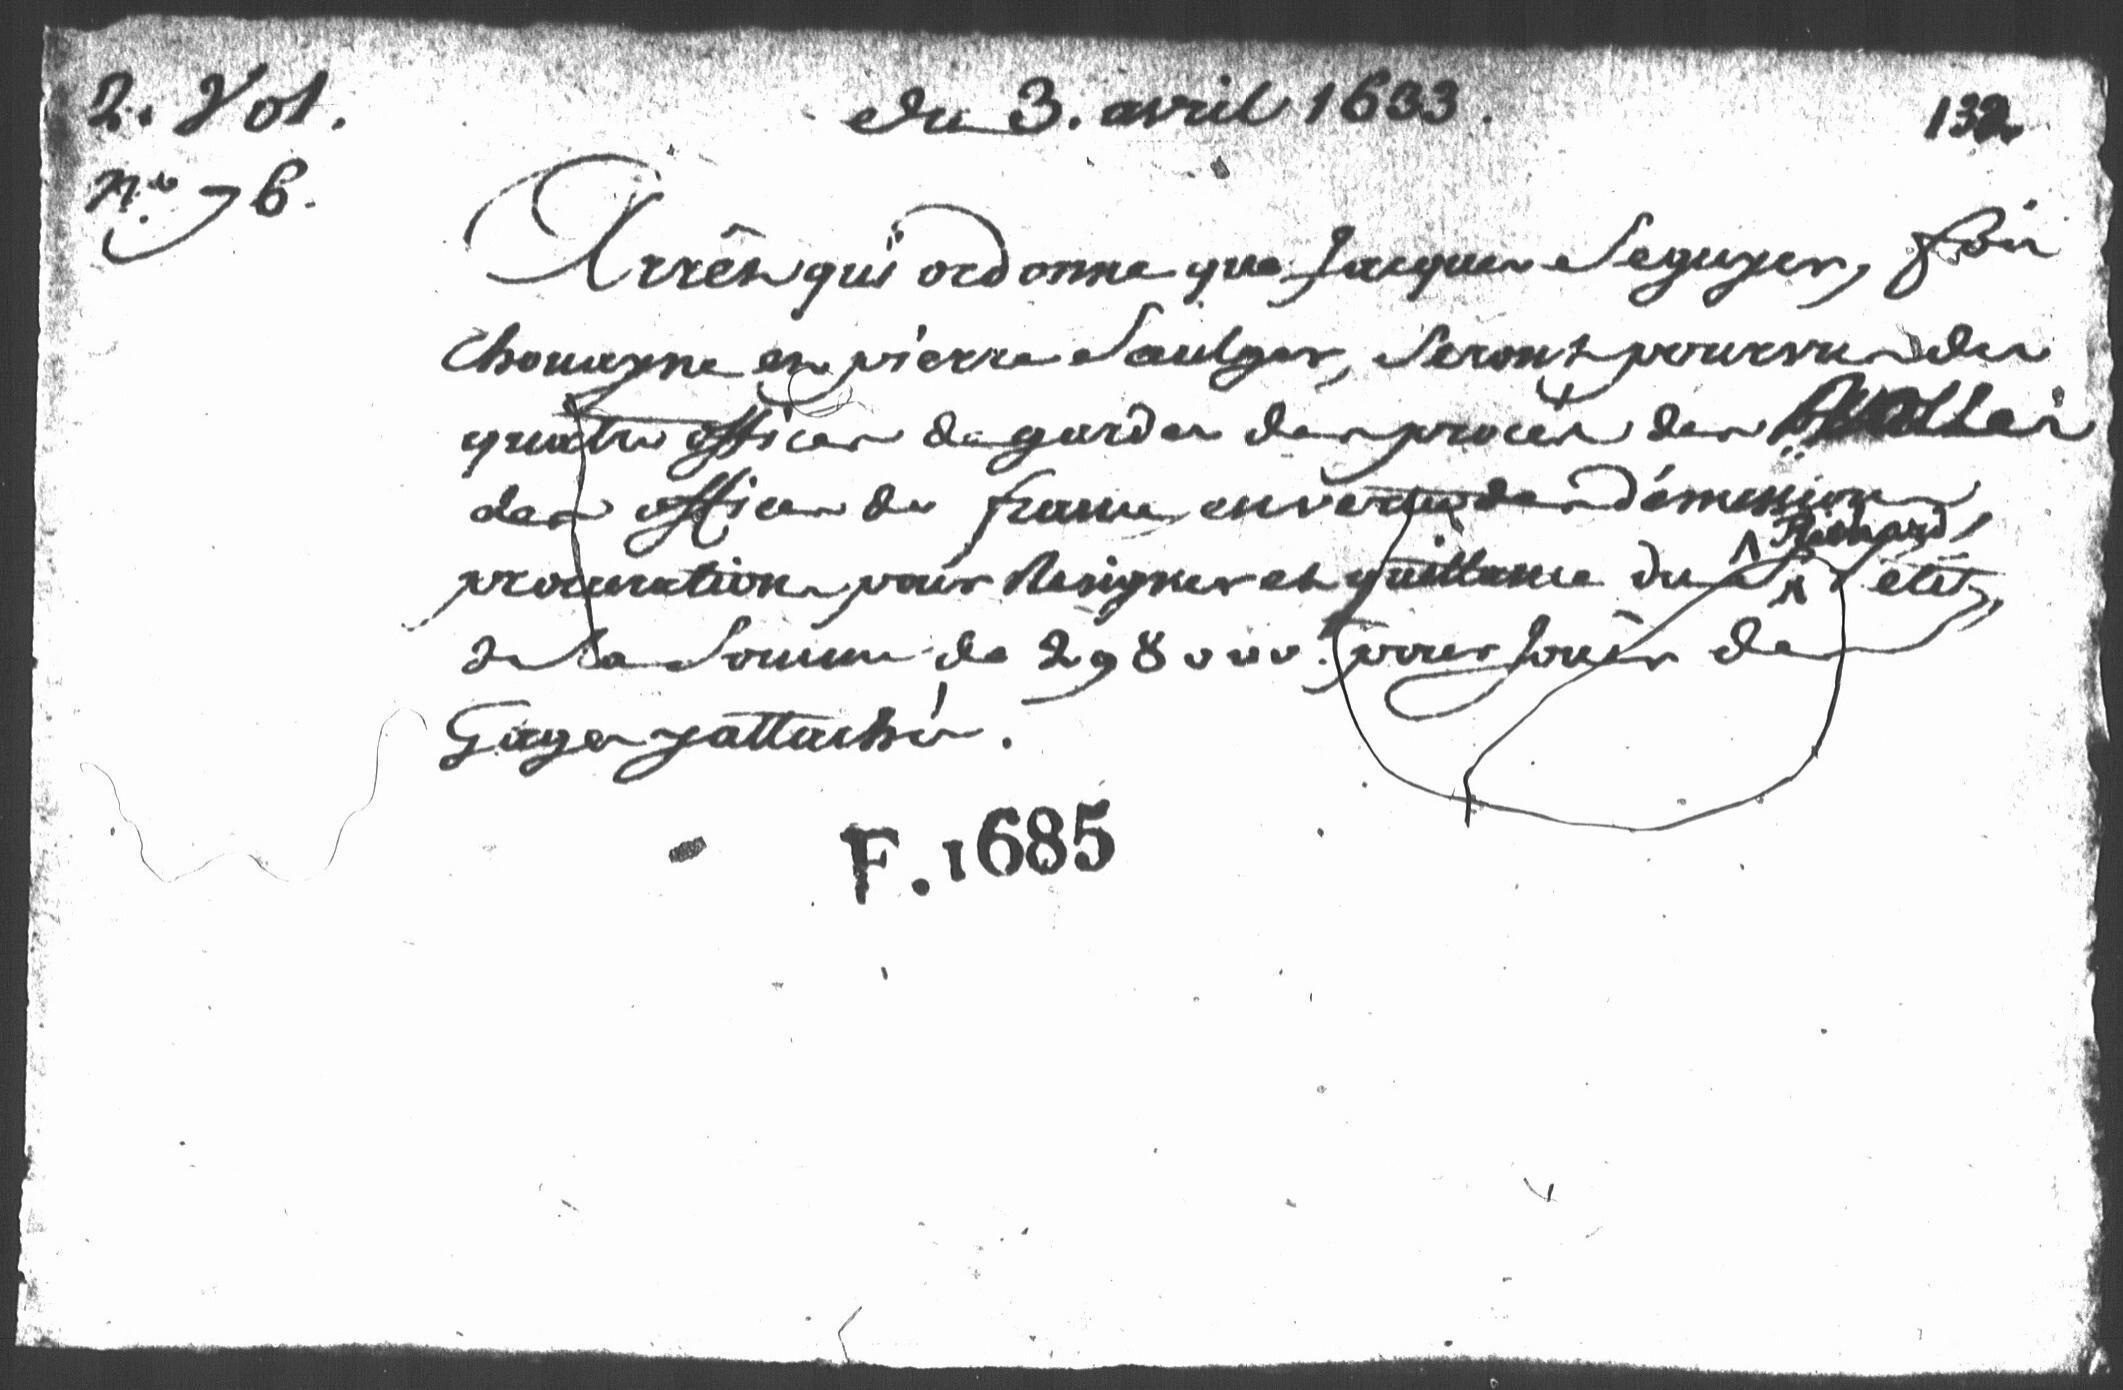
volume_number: n°76
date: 3 avril 1633
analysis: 132
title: Arrêt qui ordonne que Jacques Seguyer, Fois Chouayne et pierre Saulger, seront pourvus des quatre offices de gardes des procès des rolles des offices de france en vertu des démissions, procurations pour resigner et quittance du S. Richard Petit, de la somme de 298000 # pour jouir des gages y attachés.
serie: E
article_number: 1685
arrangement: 2. vol.
